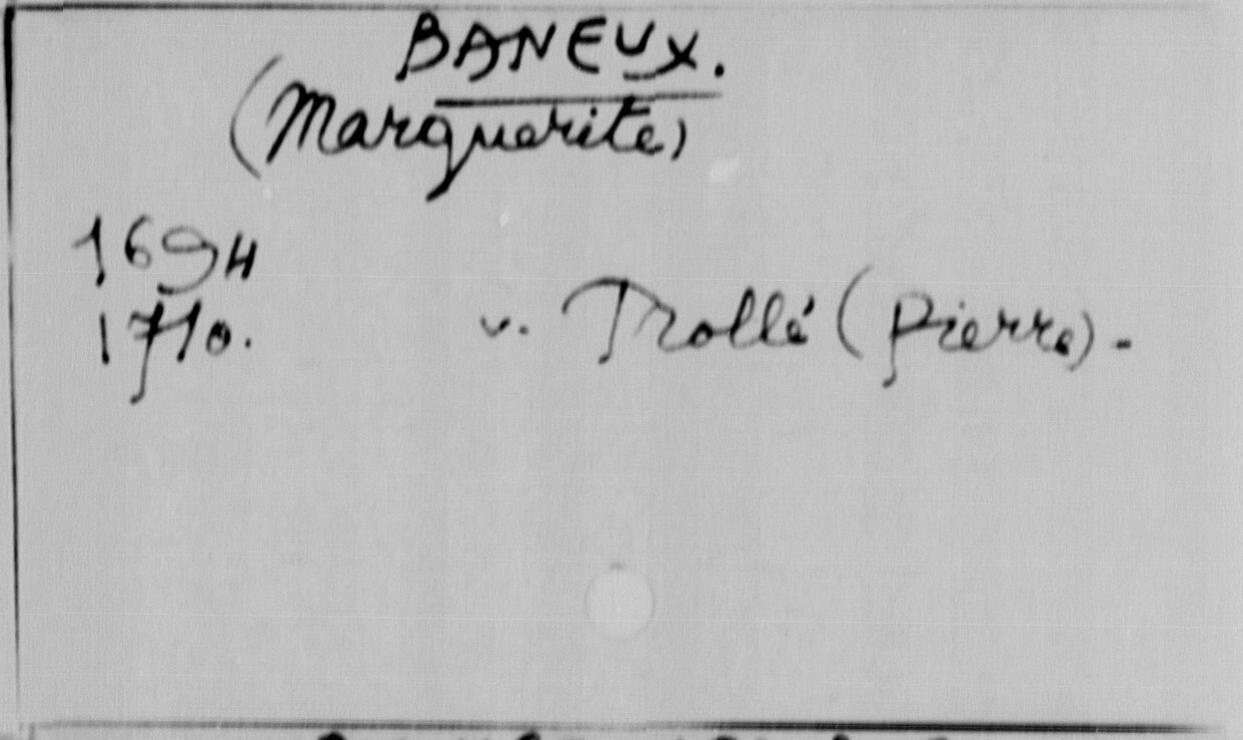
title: BANEUX (Marguerite)
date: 1694-1710
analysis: Voir TROLLÉ (Pierre)
